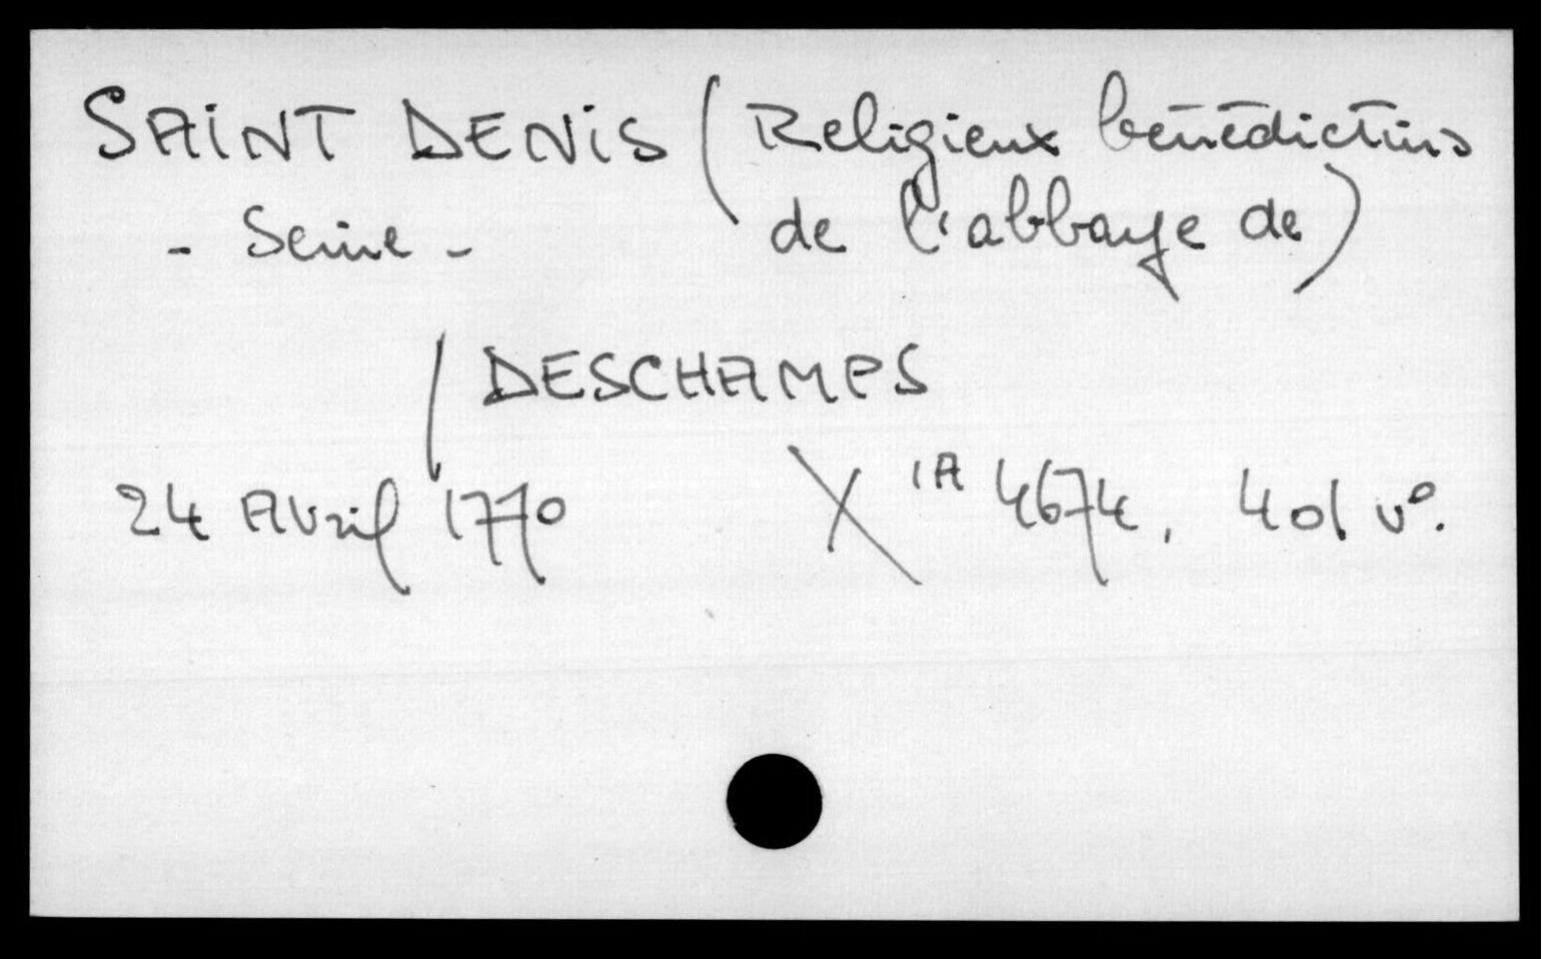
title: SAINT DENIS (Religieux bénédictins de l'abbaye de) - Seine -
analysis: Contre DESCHAMPS
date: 24 avril 1770
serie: X1A
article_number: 4674
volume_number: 401v
